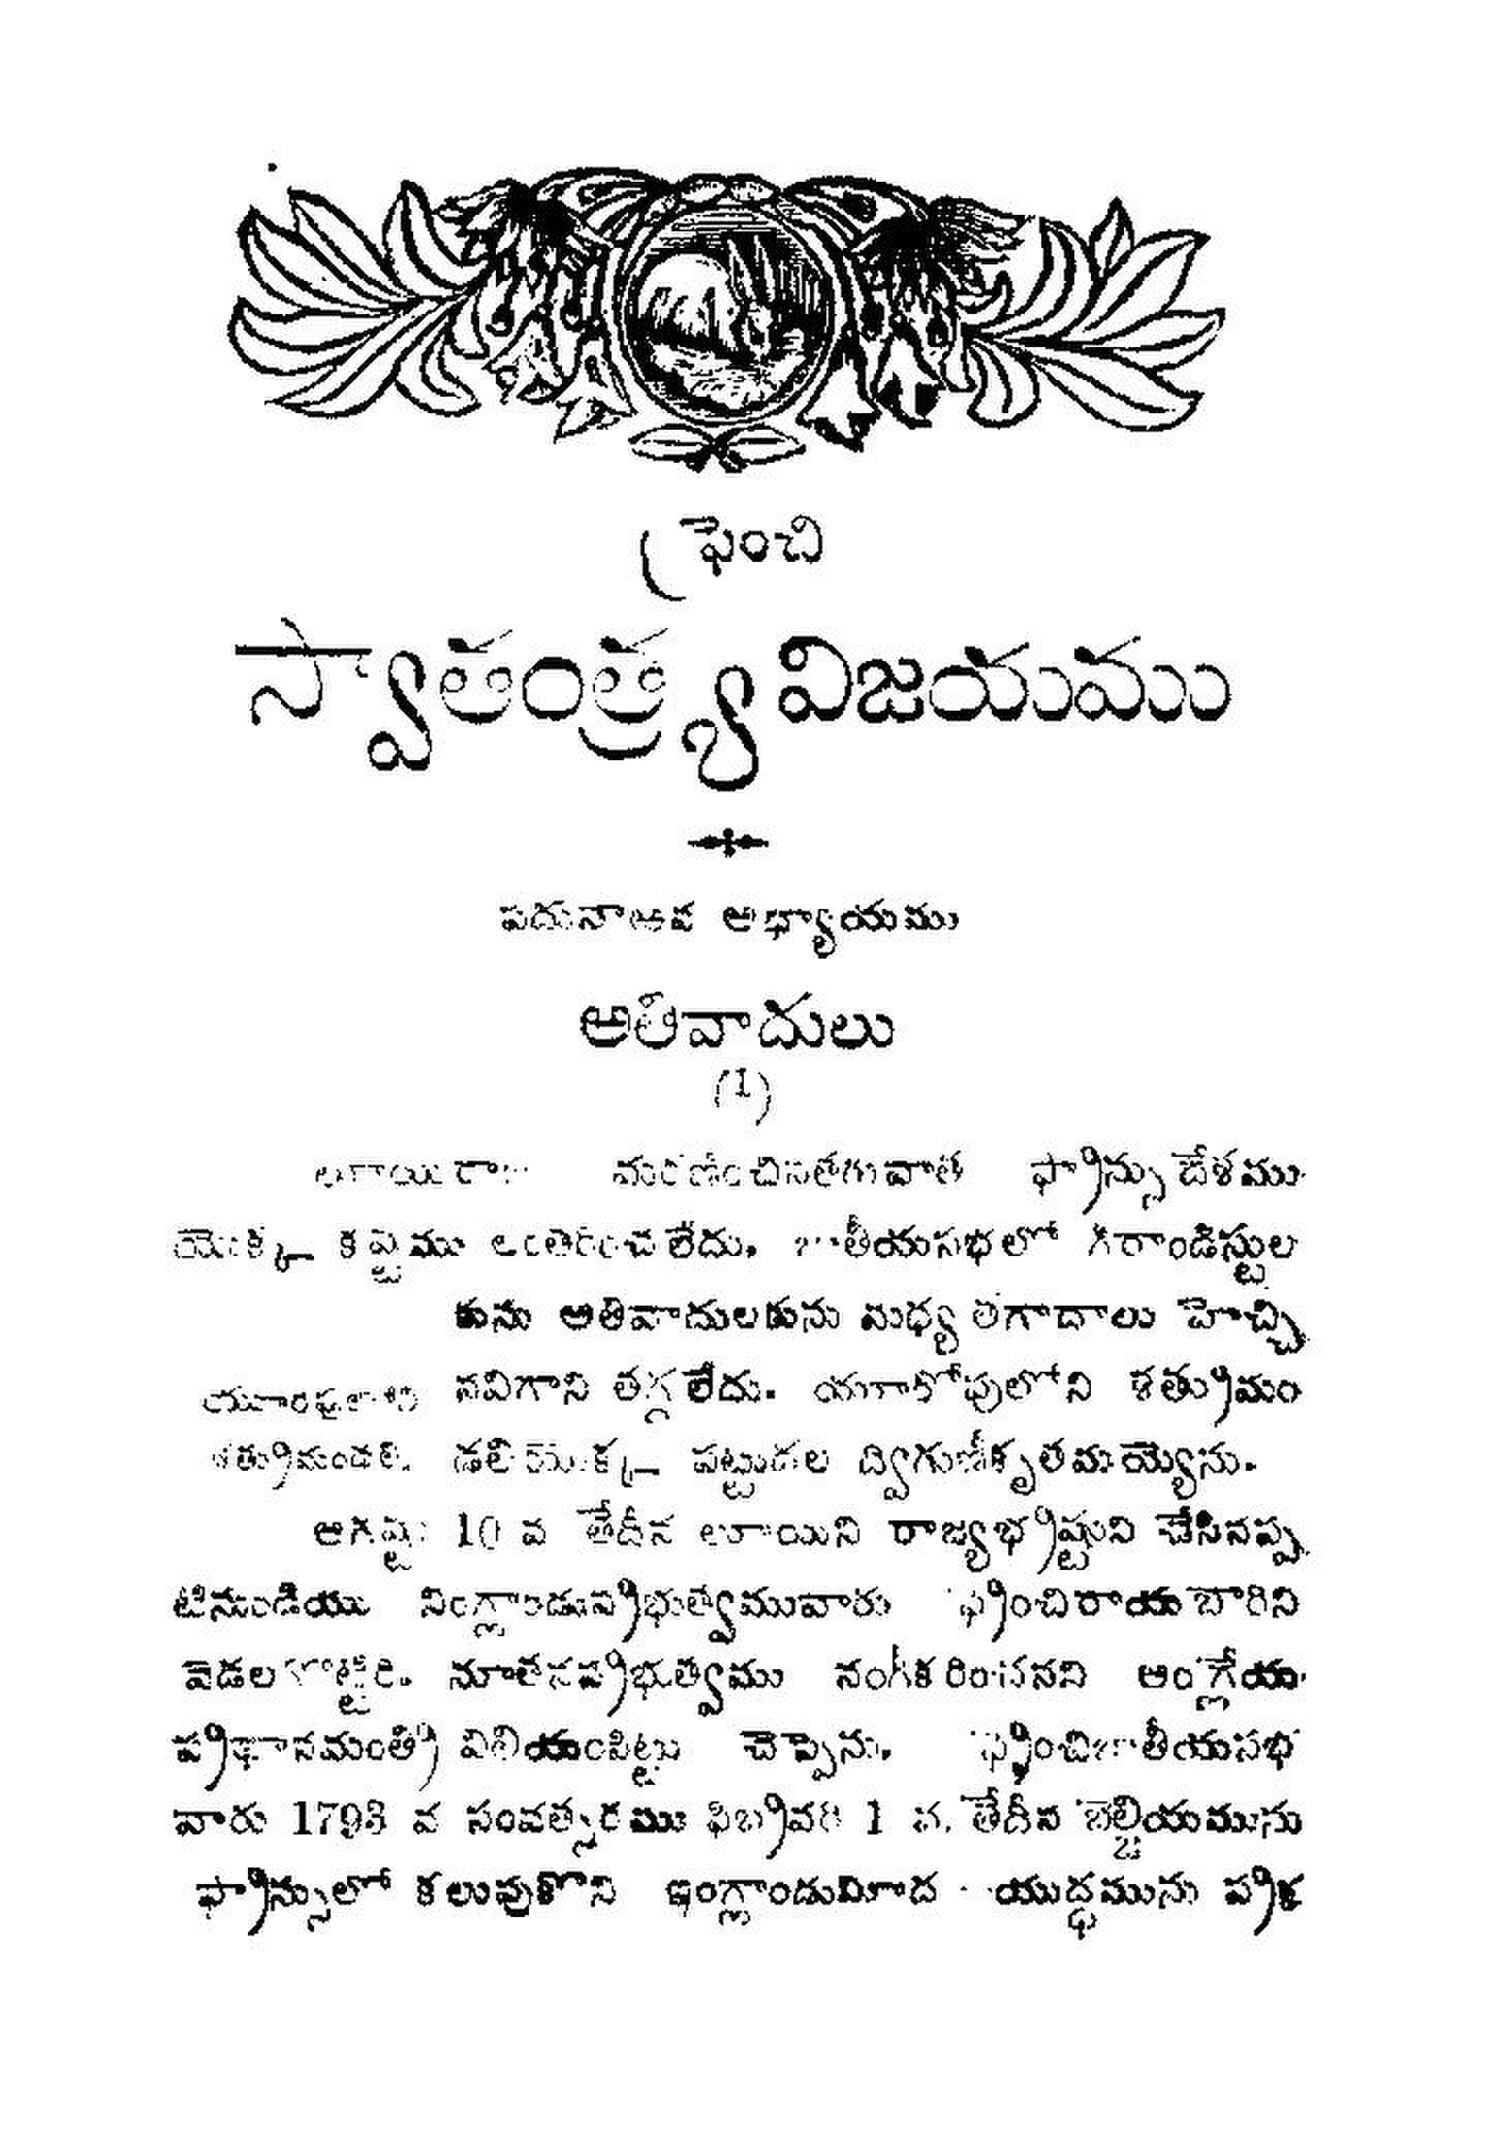యూరపు వారి
శతృమండలి

లూయీ రాజు మరణించిన తరువాత ఫ్రాన్సు దేశము
యొక్క కష్టము లంతరించ లేదు. జాతీయసభలో గిరాండిస్టుల
కును అతివాదులకును సుధ్య తగాదాలు హెచ్చినవి గాని 
తగ్గ లేదు. యూరోపులోని శత్రుమండలి యొక్క పట్టుదల 
ద్విగుణీకృతమయ్యేను. ఆగష్టు 10 వ తేదీన లూయిని 
రాజ్యభ్రష్టుని చేసినప్పటి సుండియు సంగ్లాండు 
ప్రభుత్వమువారు ఫ్రెంచిచి రాయ బారిని వెడల గొట్టిరి.
నూతన ప్రభుత్వము నంగీకరించనని ఆంగ్లేయ
ప్రథానమంత్రి , విలియంపిట్టు చెప్పెను. ఫ్రెంచి జాతీయసభ
వారు 1793 వ సంవత్సరము ఫిబ్రవరి 1 వ, తేదీన 'బెల్జియముసు
కలుపుకొని ఇంగ్లాండు విూద - యుద్ధమును ప్రక